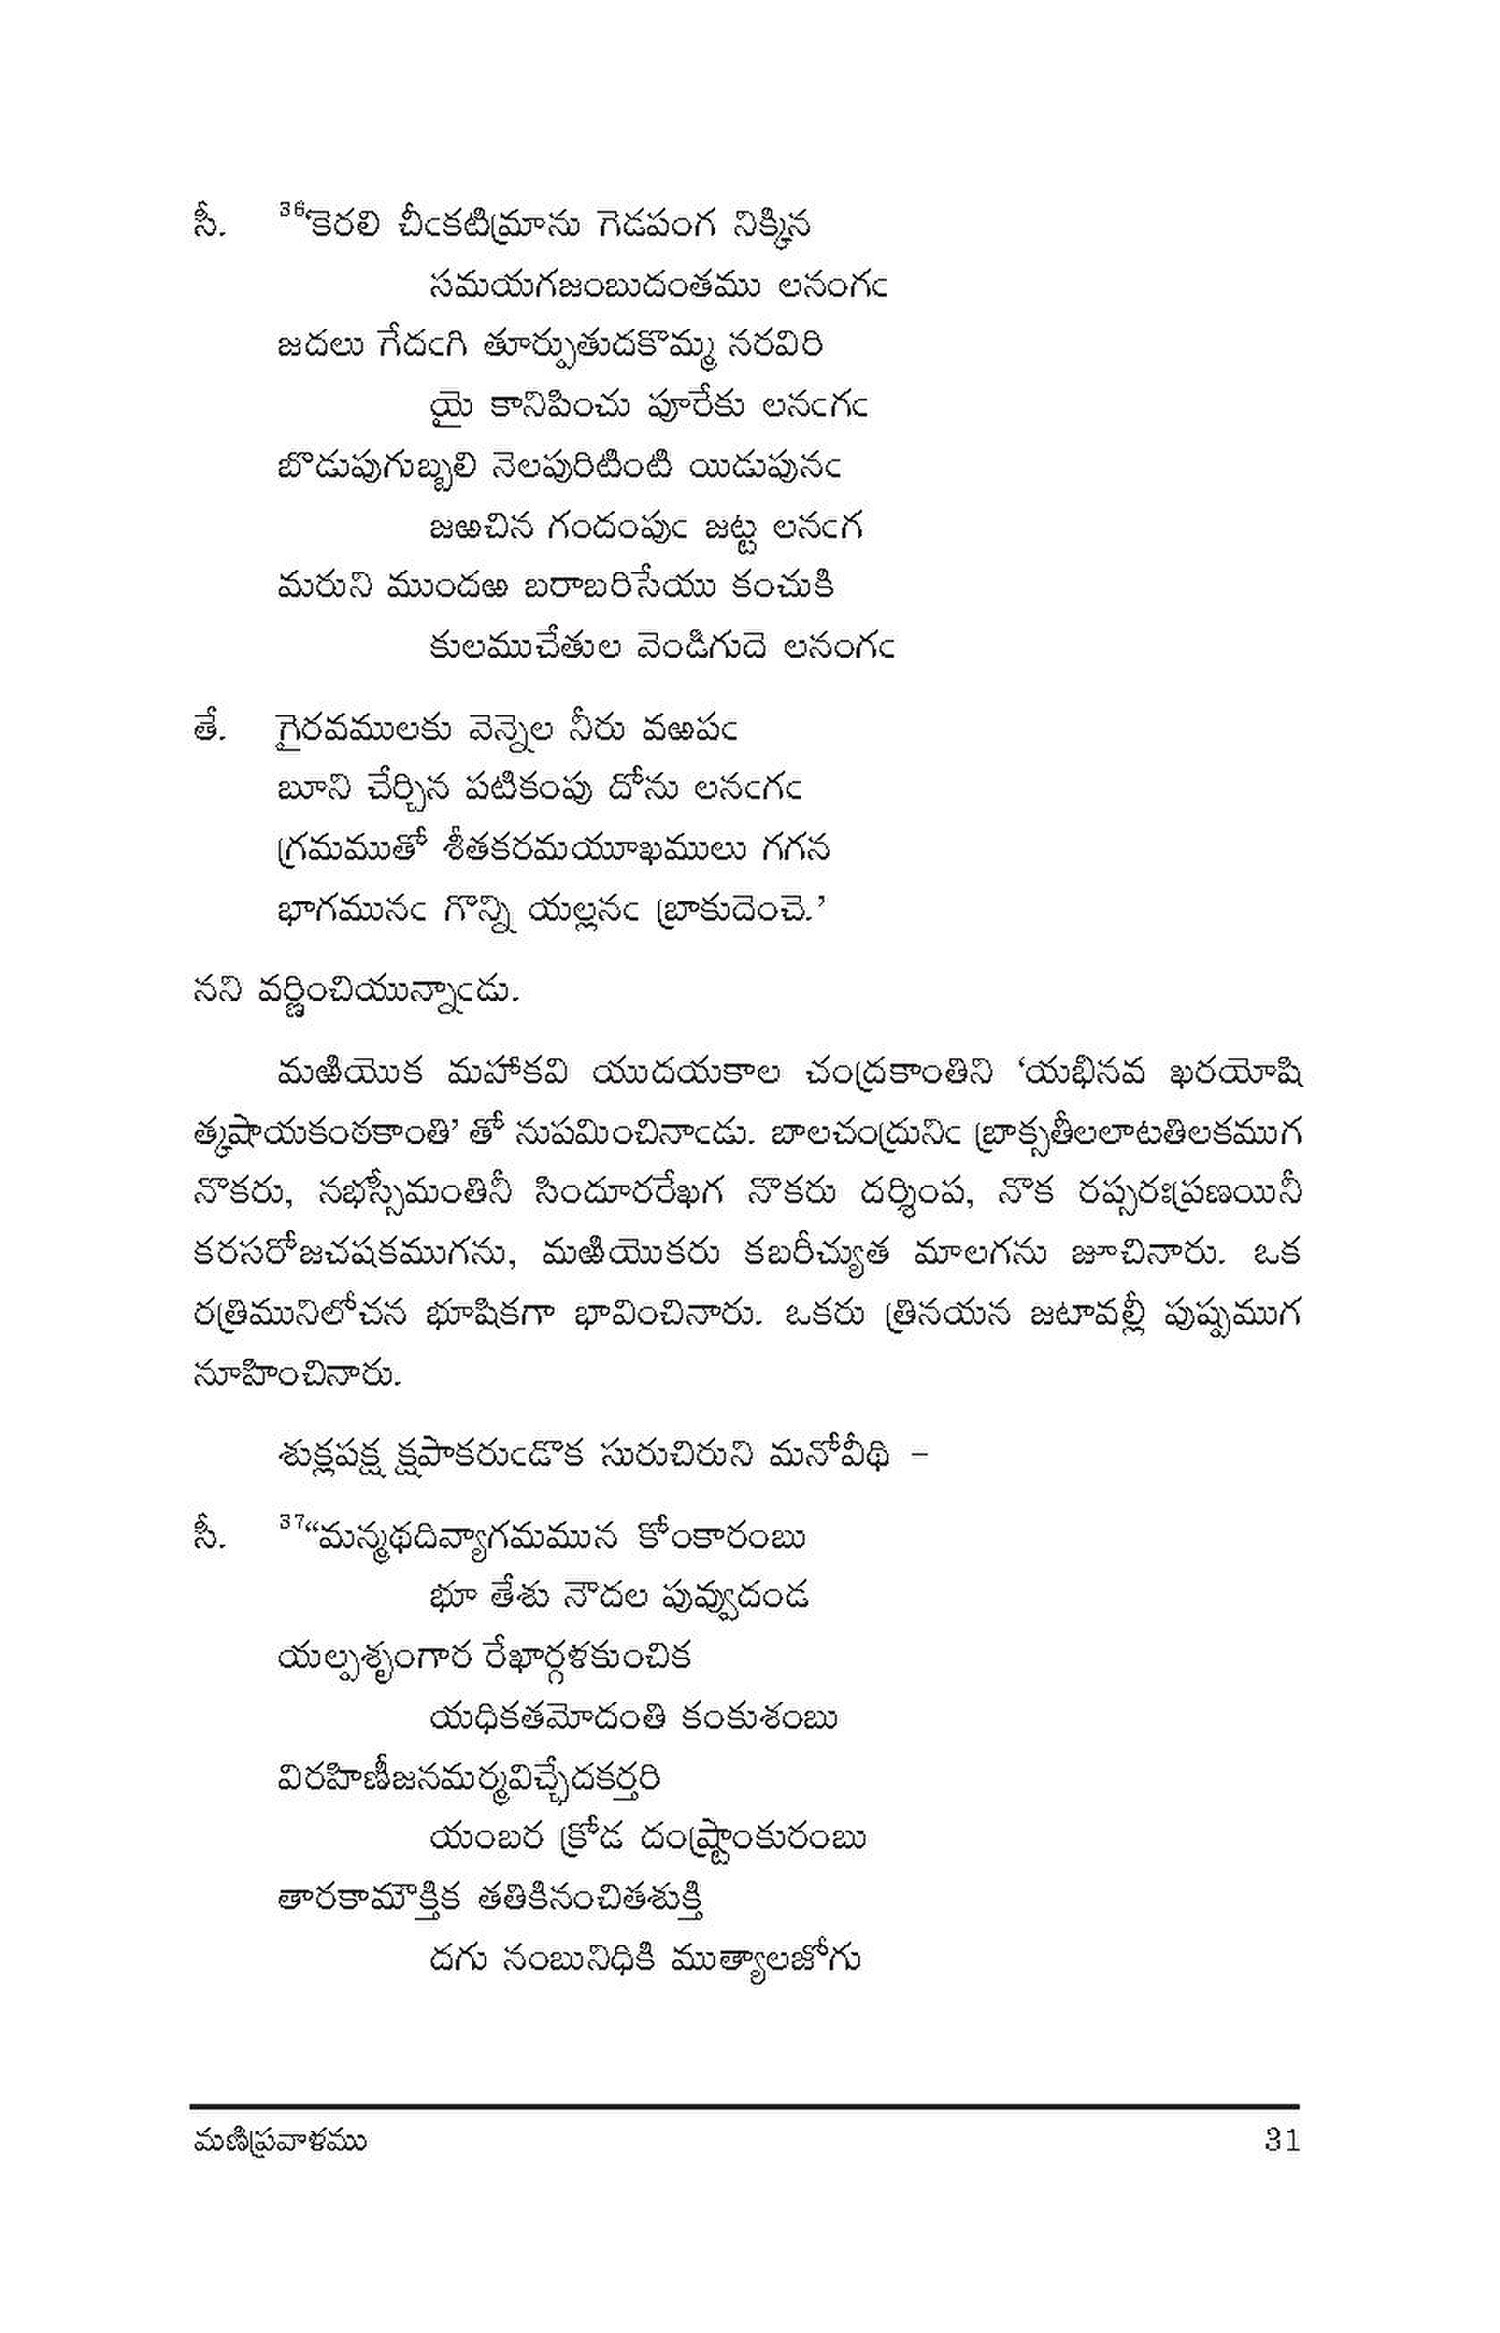సీ. కెరలి చీఁకటిమ్రాను గెడపంగ నిక్కిన
 సమయగజంబుదంతము లనంగఁ
 జదలు గేదఁగి తూర్పుతుదకొమ్మ నరవిరి
 యై కానిపించు పూరేకు లనఁగఁ
 బొడుపుగుబ్బలి నెలపురిటింటి యిడుపునఁ
 జఱచిన గందంపుఁ జట్ట లనఁగ
 మరుని ముందఱ బరాబరిసేయు కంచుకి
 కులముచేతుల వెండిగుదె లనంగఁ

తే. గైరవములకు వెన్నెల నీరు వఱపఁ
 బూని చేర్చిన పటికంపు దోను లనఁగఁ
 గ్రమముతో శీతకరమయూఖములు గగన
 భాగమునఁ గొన్ని యల్లనఁ బ్రాకుదెంచె.'

నని వర్ణించియున్నాఁడు.

మఱియొక మహాకవి యుదయకాల చంద్రకాంతిని 'యభినవ ఖరయోషి
త్కషాయకంఠకాంతి' తో నుపమించినాఁడు. బాలచంద్రునిఁ బ్రాక్సతీలలాటతిలకముగ
నొకరు, నభస్సీమంతినీ సిందూరరేఖగ నొకరు దర్శింప, నొక రప్సరఃప్రణయినీ
కరసరోజచషకముగను, మఱియొకరు కబరీచ్యుత మాలగను జూచినారు. ఒక
రత్రిమునిలోచన భూషికగా భావించినారు. ఒకరు త్రినయన జటావల్లీ పుష్పముగ
నూహించినారు.

శుక్లపక్ష క్షపాకరుఁడొక సురుచిరుని మనోవీథి -

సీ. "మన్మథదివ్యాగమమున కోంకారంబు
 భూ తేశు నౌదల పువ్వుదండ
 యల్పశృంగార రేఖార్గళకుంచిక
 యధికతమోదంతి కంకుశంబు
 విరహిణీజనమర్మవిచ్ఛేదకర్తరి
 యంబర క్రీడ దంష్ట్రాంకురంబు
 తారకామౌక్తిక తతికినంచితశుక్తి
 దగు నంబునిధికి ముత్యాలజోగు